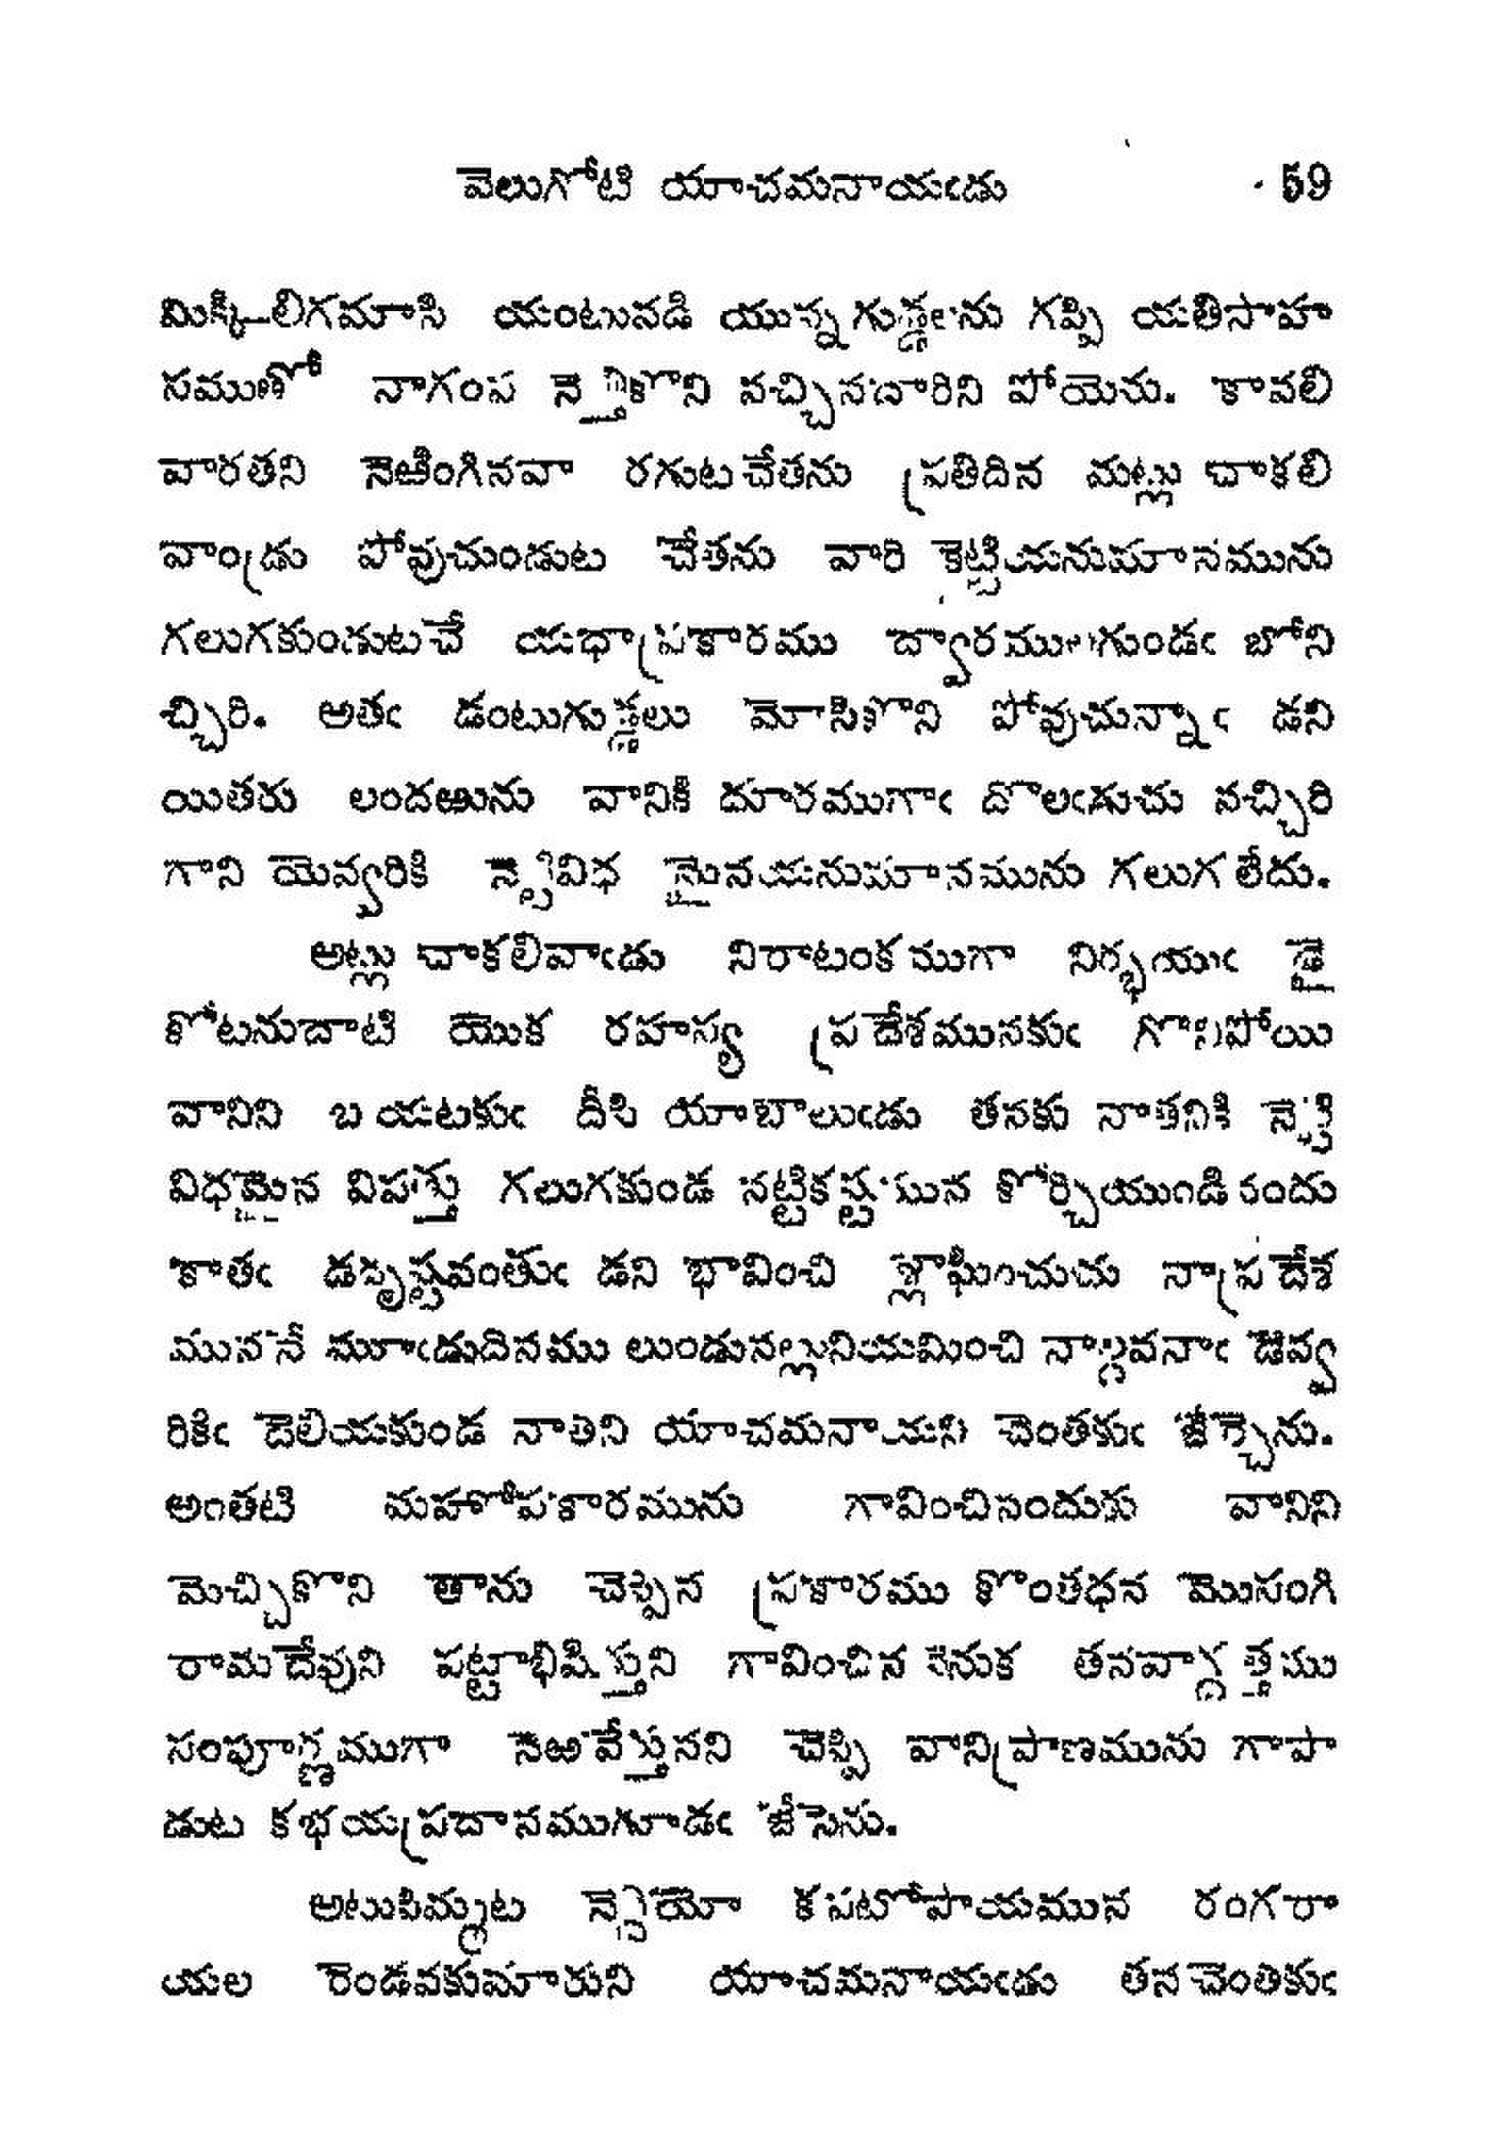మిక్కిలిగమాసి యంటువడి యున్న గుడ్డలను గప్పి యతిసాహసముతో నాగంప నెత్తికొని వచ్చినదారిని పోయెను. కావలి వారతని నెఱింగినవా రగుటచేతను ప్రతిదిన మట్లు చాకలి వాండ్రు పోవుచుండుట చేతను వారి కెట్టి యనుమానమును గలుగకుండుటచే యధాప్రకారము ద్వారములగుండఁ బోనిచ్చిరి. అతఁ డంటుగుడ్డలు మోసికొని పోవుచున్నాఁ డని యితరు లందఱును వానికి దూరముగాఁ దొలఁగుచు వచ్చిరి గాని యెవ్వరికి నెట్టివిధ మైనయనుమానమును గలుగలేదు.

అట్లు చాకలివాఁడు నిరాటంకముగా నిర్భయుఁ డై కోటనుదాటి యొక రహస్య ప్రదేశమునకుఁ గొనిపోయి వానిని బయటకుఁ దీసి యాబాలుఁడు తనకు నాతనికి నెట్టి విధమైన విపత్తు గలుగకుండ నట్టికష్టమున కోర్చియుండినందు కాతఁ డదృష్టవంతుఁ డని భావించి శ్లాఘించుచు నాప్రదేశముననే మూఁడుదినము లుండునట్లునియమించి నాల్గవనాఁ డెవ్వరికిఁ దెలియకుండ నాతని యాచమనాయని చెంతకుఁ జేర్చెను. అంతటి మహోపకారమును గావించినందుకు వానిని మెచ్చికొని తాను చెప్పిన ప్రకారము కొంతధన మొసంగి రామదేవుని పట్టాభిషిక్తుని గావించిన వెనుక తనవాగ్దత్తము సంపూర్ణముగా నెఱవేర్తునని చెప్పి వానిప్రాణమును గాపాడుట కభయప్రదానముగూడఁ జేసెను.

అటుపిమ్మట నెద్దియో కపటోపాయమున రంగరాయల రెండవకుమారుని యాచమనాయఁడు తనచెంతకుఁ